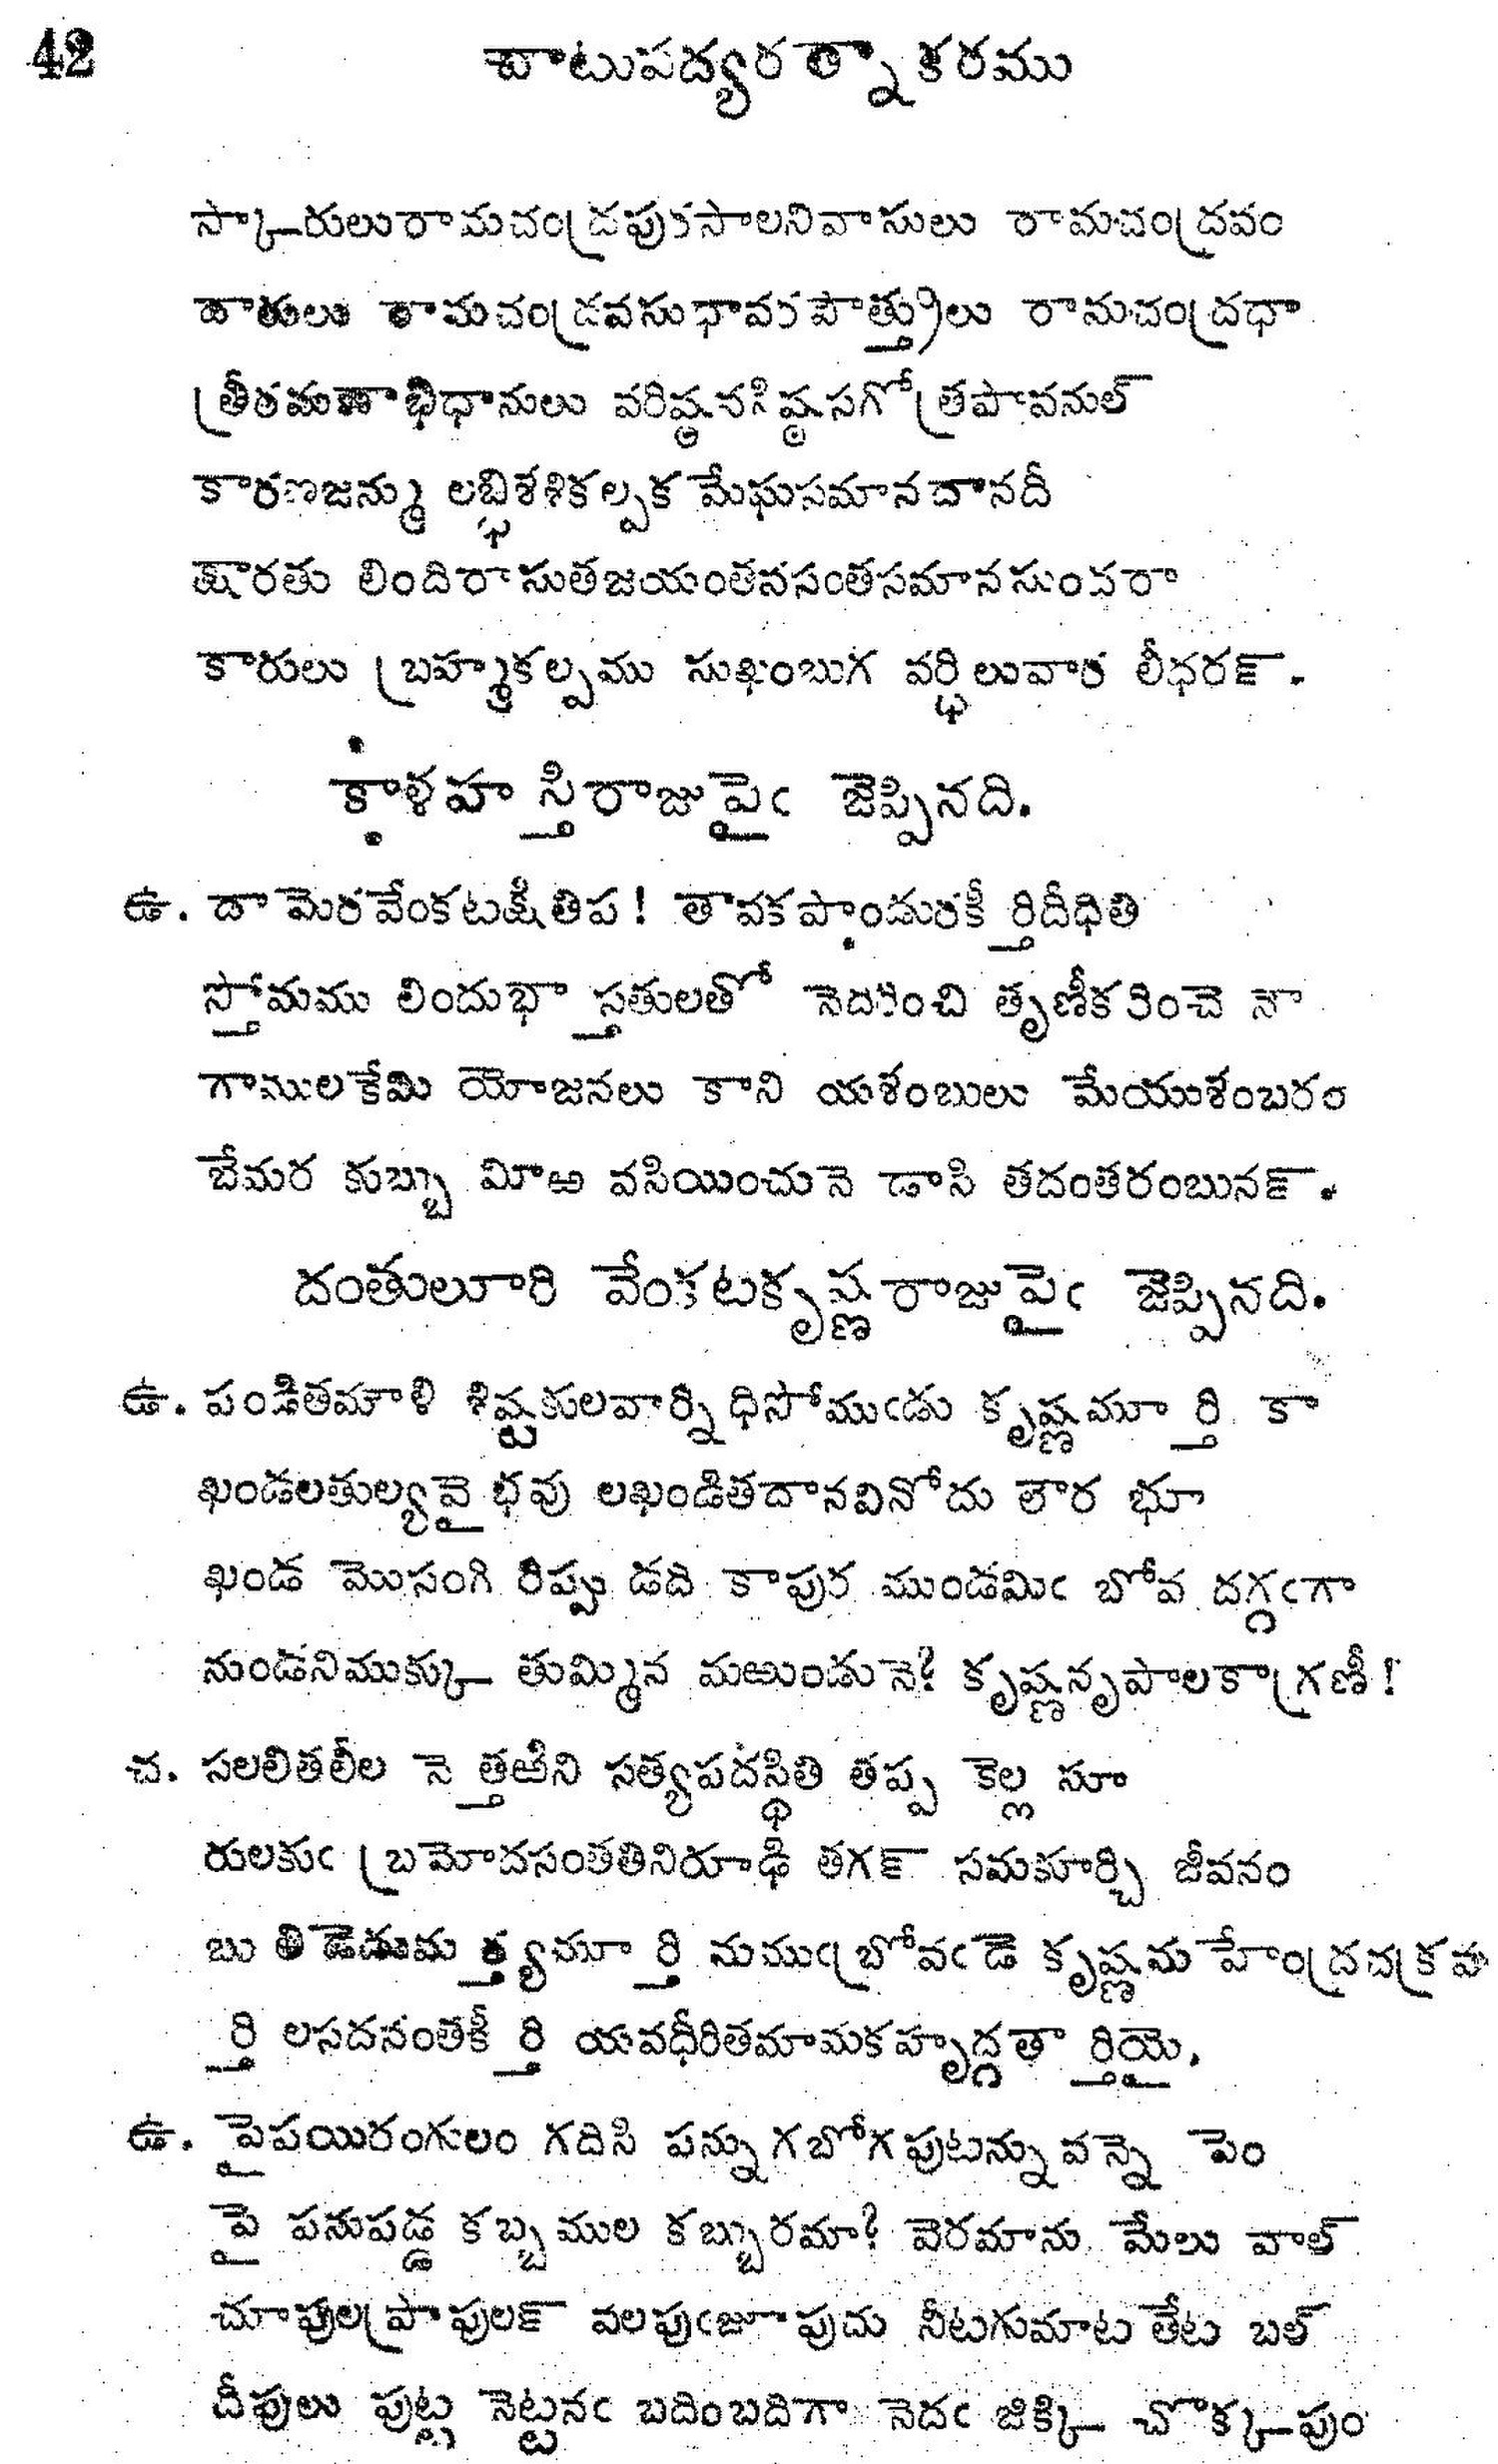స్కారులు రామచంద్రపురసాలనివాసులు రామచంద్రవం
 దారులు రామచంద్రవసుధాపరపౌత్త్రులు రామచంద్రధా
 త్రీరమణాభిధానులు వరిష్ఠవసిష్ఠగోత్రపావనుల్
 కారణజన్ము లబ్ధశశికల్పకమేఘసమానదానదీ
 క్షారతు లిందిరాసుతజయంతవసంతసమానసుందరా
 కారులు బ్రహ్మకల్పము సుఖంబుగ వర్ధిలువార లీధరన్.

కాళహస్తిరాజుపైఁ జెప్పినది—

ఉ. దామెరవేంకటక్షితిప! తావకపాండురకీర్తిదీధితి
 స్తోమము లిందుభాస్తతులతో నెదిరించి తృణీకరించె నౌ
 గాములకేమి యోజనలు కాని యశంబులు మేయుశంబరం
 బేమర కుబ్బు మీఱ వసియించునె డాసి తదంతరంబునన్.

దంతులూరి వేంకటకృష్ణరాజుపైఁ జెప్పినది—

ఉ. పండితమౌళి శిష్టకులవార్నిధిసోముఁడు కృష్ణమూర్తి కా
 ఖండలతుల్యవైభవు లఖండితదానవినోదు లౌర భూ
 ఖండ మొసంగి రిప్పు డది కాపుర ముండమిఁ బోవ దగ్గఁగా
 నుండనిముక్కు తుమ్మిన మఱుండునె? కృష్ణనృపాలకాగ్రణీ!

చ. సలలితలీల నెత్తఱిని సత్యపదస్థితి తప్పకెల్ల సూ
 రులకుఁ బ్రమోదసంతతినిరూఢి తగన్ సమకూర్చి జీవనం
 బులికెడు మర్త్యమూర్తి మముఁ బ్రోవఁడె కృష్ణమహేంద్రచక్రమూ
 ర్తి లసదనంతకీర్తి యవధీరితమామకహృద్గతారియై.

ఉ. పైపయిరంగులం గదిసి పన్నుగబోగపుటన్నువన్నె పెం
 పై పనుపడ్డ కబ్బముల కబ్బురమా? వెరమాను మేలు వాల్
 చూపులప్రాపులన్ వలపుఁజూపుచు నీటగుమాటతేట బల్
 దీపులు పుట్ట నెట్టనఁ బదింబదిగా నెదఁ జిక్కి చొక్కపుం